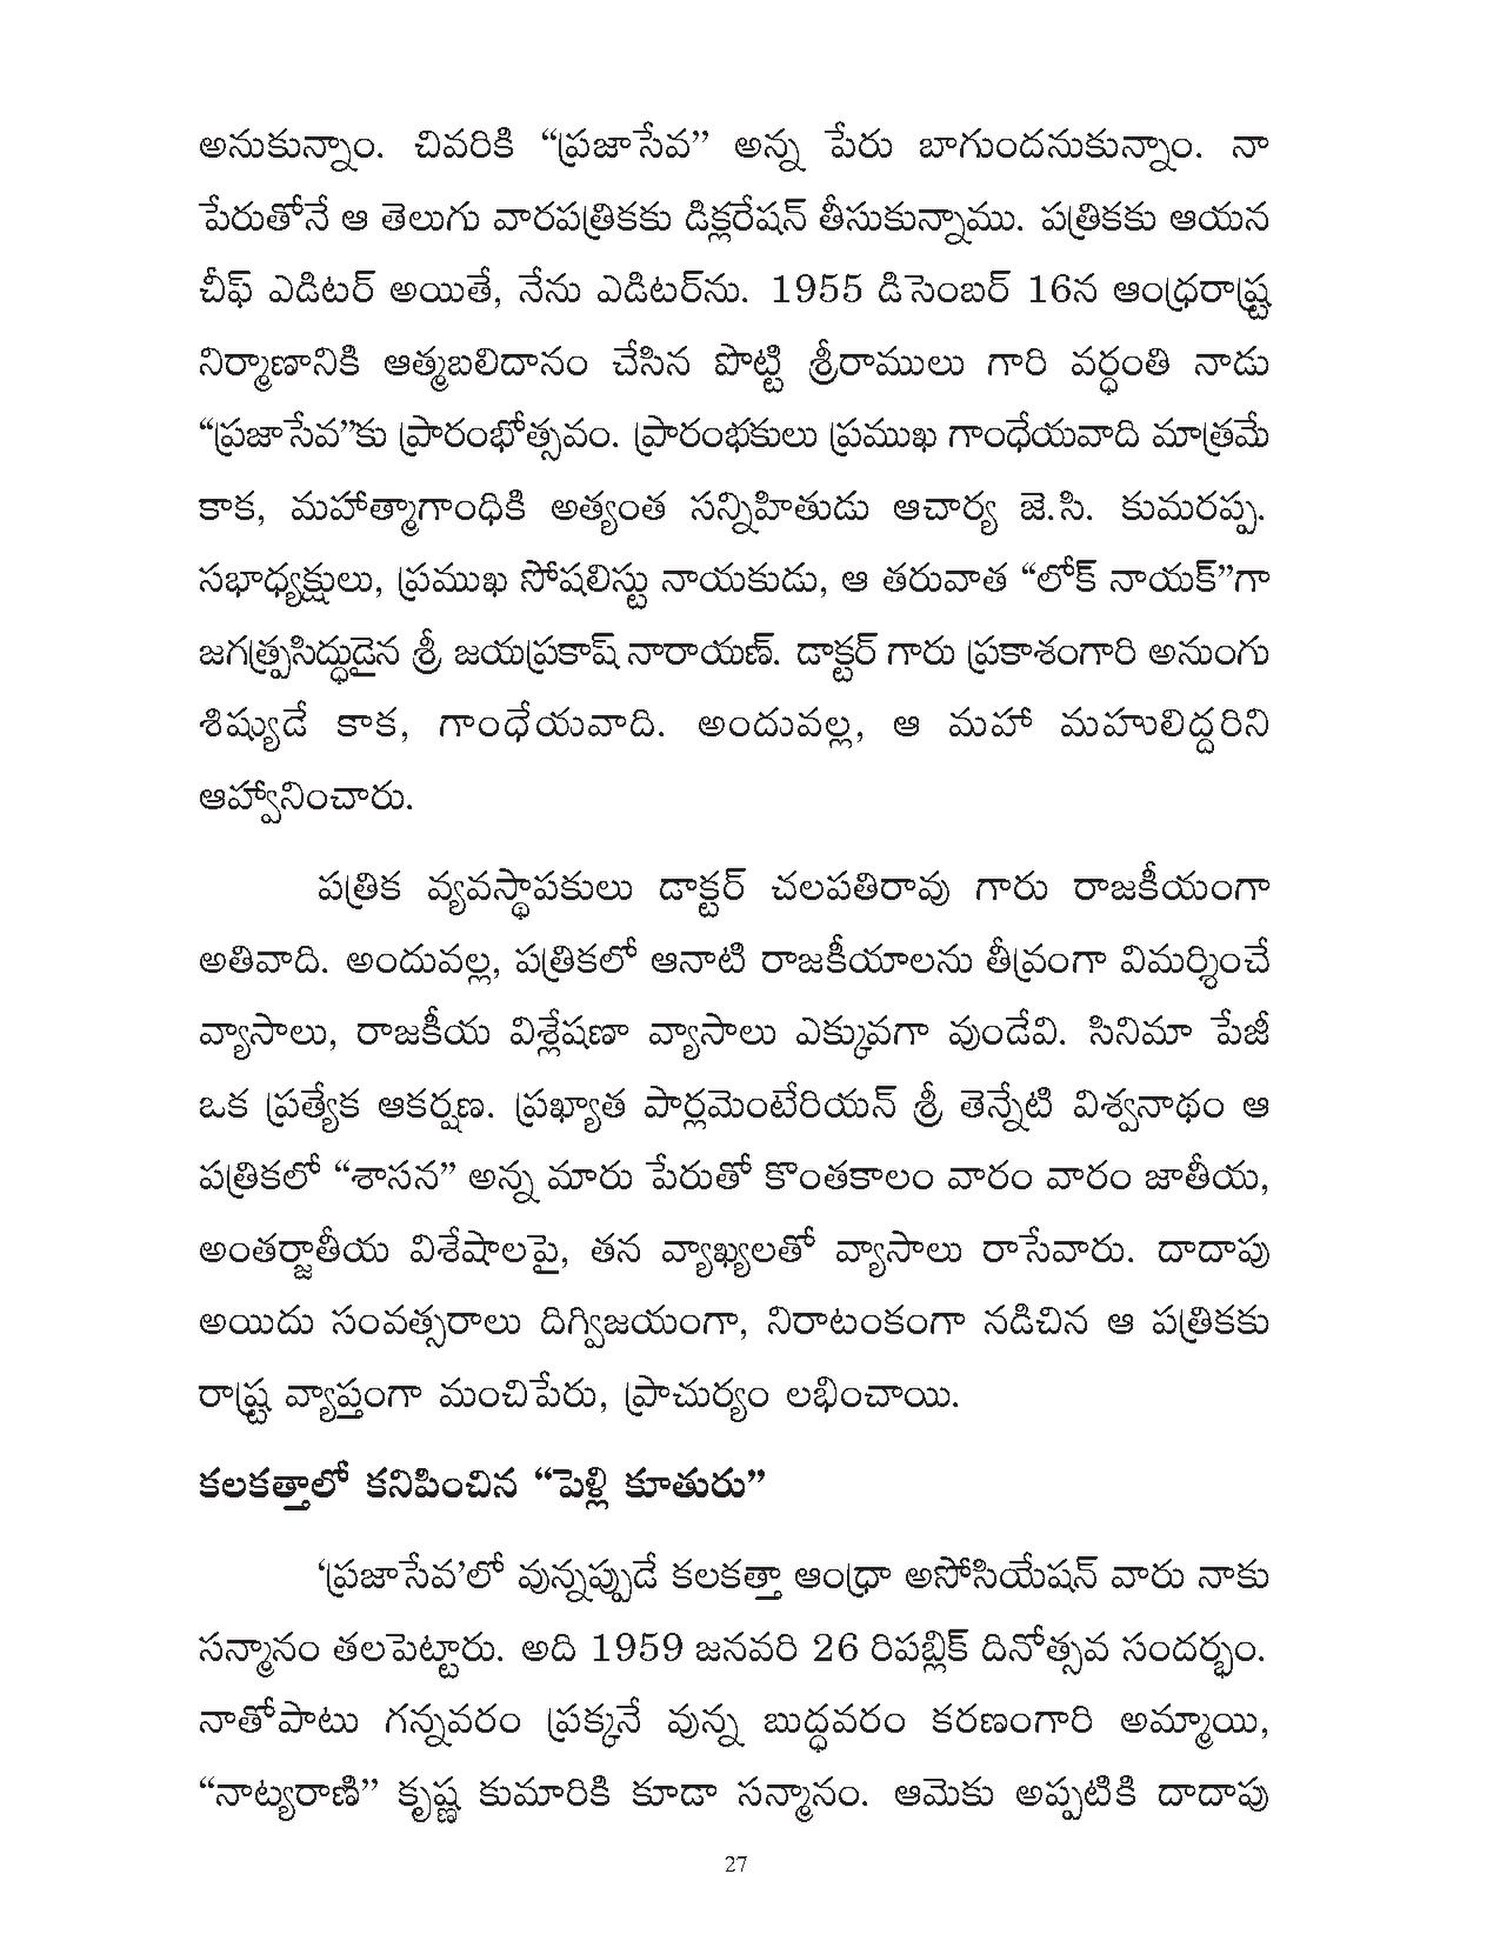అనుకున్నాం. చివరికి "ప్రజాసేవ" అన్న పేరు బాగుందనుకున్నాం. నా
పేరుతోనే ఆ తెలుగు వారపత్రికకు డిక్లరేషన్‌ తీసుకున్నాము. పత్రికకు ఆయన
చీఫ్‌ ఎడిటర్‌ అయితే, నేను ఎడిటర్‌ను. 1955 డిసెంబర్‌ 16న ఆంధ్రరాష్ట్ర
నిర్మాణానికి ఆత్మబలిదానం చేసిన పొట్టి శ్రీరాములు గారి వర్ధంతి నాడు
"ప్రజాసేవ"కు ప్రారంభోత్సవం. ప్రారంభకులు ప్రముఖ గాంధేయవాది మాత్రమే
కాక, మహాత్మాగాంధికి అత్యంత సన్నిహితుడు ఆచార్య జె.సి. కుమరప్ప.
సభాధ్యక్షులు, ప్రముఖ సోషలిస్టు నాయకుడు, ఆ తరువాత "లోక్‌ నాయక్‌"గా
జగత్ప్రసిద్ధుడైన శ్రీ జయప్రకాష్‌ నారాయణ్‌. డాక్టర్ గారు ప్రకాశంగారి అనుంగు
శిష్యుడే కాక, గాంధేయవాది. అందువల్ల, ఆ మహా మహులిద్దరిని
ఆహ్వానించారు.

పత్రిక వ్యవస్థాపకులు డాక్టర్ చలపతిరావు గారు రాజకీయంగా
అతివాది. అందువల్ల, పత్రికలో ఆనాటి రాజకీయాలను తీవ్రంగా విమర్శించే
వ్యాసాలు, రాజకీయ విశ్లేషణా వ్యాసాలు ఎక్కువగా వుండేవి. సినిమా పేజీ
ఒక ప్రత్యేక ఆకర్షణ. ప్రఖ్యాత పార్లమెంటేరియన్‌ శ్రీ తెన్నేటి విశ్వనాథం ఆ
పత్రికలో "శాసన" అన్న మారు పేరుతో కొంతకాలం వారం వారం జాతీయ,
అంతర్జాతీయ విశేషాలపై, తన వ్యాఖ్యలతో వ్యాసాలు రాసేవారు. దాదాపు
అయిదు సంవత్సరాలు దిగ్విజయంగా, నిరాటంకంగా నడిచిన ఆ పత్రికకు
రాష్ట్ర వ్యాప్తంగా మంచిపేరు, ప్రాచుర్యం లభించాయి.

కలకత్తాలో కనిపించిన "పెళ్లి కూతురు"
'ప్రజాసేవ'లో వున్నప్పుడే కలకత్తా ఆంధ్రా అసోసియేషన్‌ వారు నాకు
సన్మానం తలపెట్టారు. అది 1959 జనవరి 26 రిపబ్లిక్‌ దినోత్సవ సందర్భం.
నాతోపాటు గన్నవరం ప్రక్కనే వున్న బుద్ధవరం కరణంగారి అమ్మాయి,
"నాట్యరాణి" కృష్ణ కుమారికి కూడా సన్మానం. ఆమెకు అప్పటికి దాదాపు